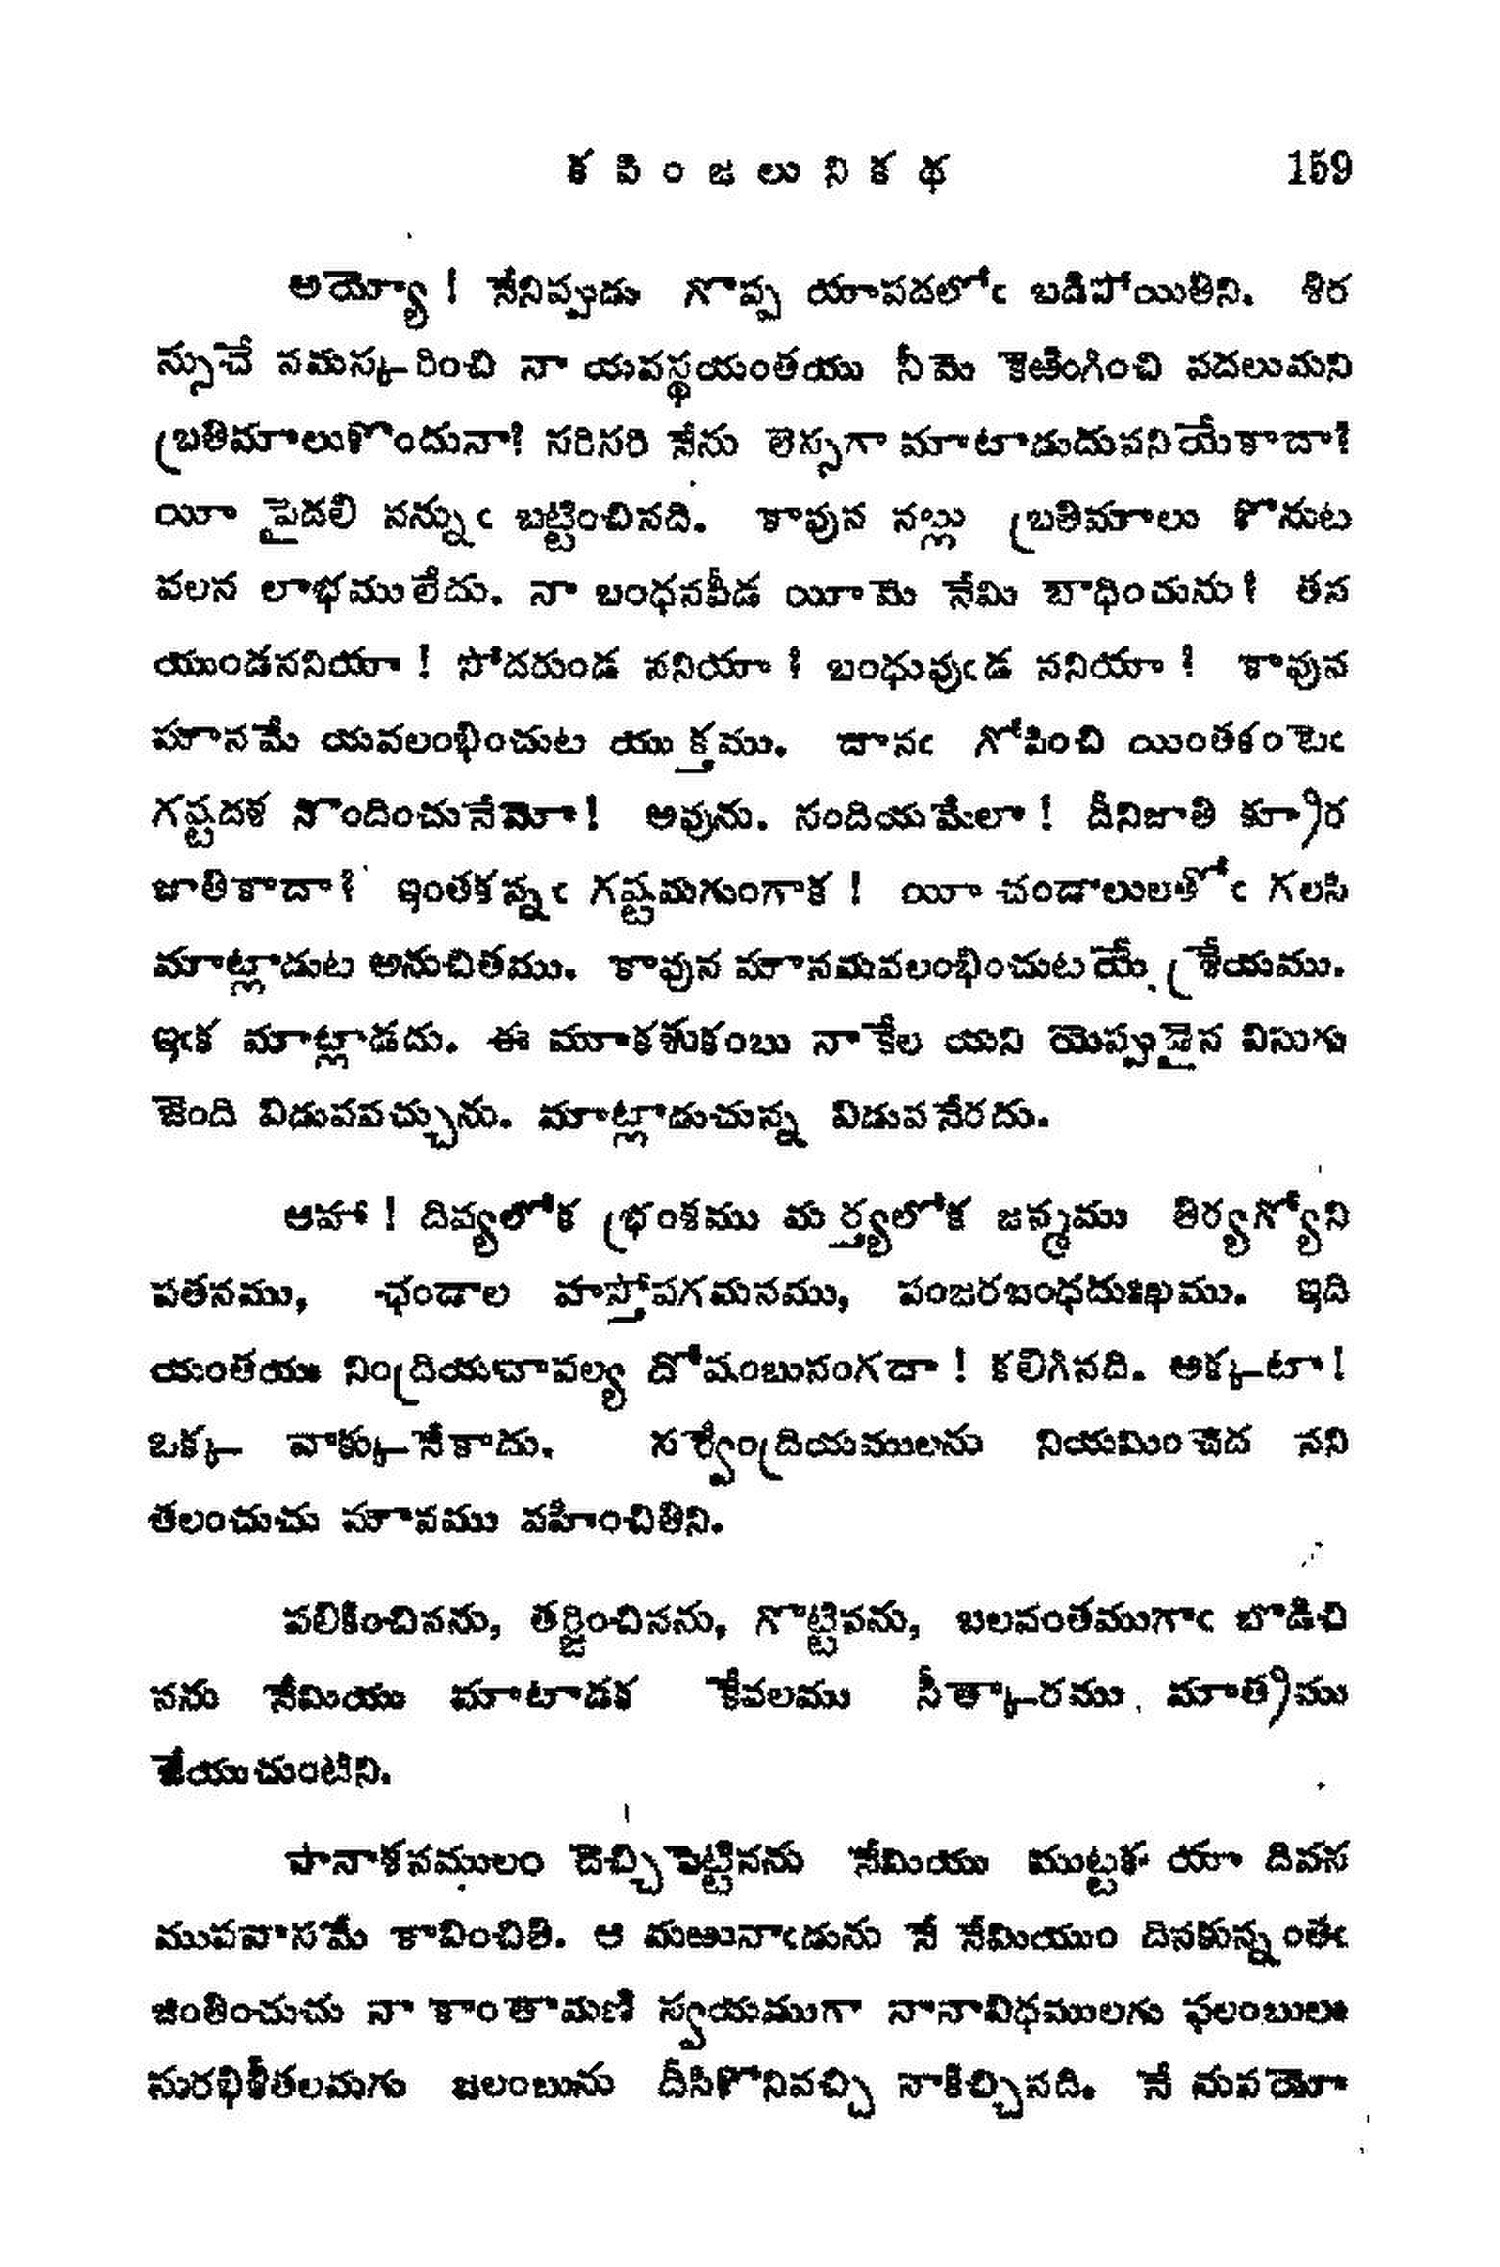అయ్యో! నేనిప్పుడు గొప్ప యాపదలోఁ బడిపోయితిని. శిరస్సుచే నమస్కరించి నా యవస్థయంతయు నీమె కెఱింగించి వదలుమని బ్రతిమాలుకొందునా? సరిసరి నేను లెస్సగా మాటాడుదుననియేకాదా? యీ పైదలి నన్నుఁ బట్టించినది. కావున నట్లు బ్రతిమాలు కొనుట వలన లాభములేదు. నా బంధనపీడ యీమె నేమి బాధించును? తనయుండననియా! సోదరుండ ననియా? బందువుఁడ ననియా? కావున మౌనమే యవలంభించుట యుక్తము. దానఁ గోపించి యింతకంటెఁ గష్టదశ నొందించునేమో! అవును. సందియమేలా! దీనిజాతి క్రూరజాతికాదా? ఇంతకన్నఁ గష్టమగుంగాక! యీ చండాలులతోఁ గలసి మాట్లాడుట అనుచితము. కావున మౌనమవలంభించుటయే శ్రేయము. ఇఁక మాట్లాడదు. ఈ మూకశుకంబు నాకేల యని యెప్పుడైన విసుగుజెంది విడువవచ్చును. మాట్లాడుచున్న విడువనేరదు.

ఆహా! దివ్యలోక భ్రంశము మర్త్యలోక జన్మము తిర్యగ్యోని పతనము, ఛండాల హస్తోపగమనము, పంజరబంధదుఃఖము. ఇది యంతయు నింద్రియచాపల్య దోషంబునంగదా! కలిగినది. అక్కటా! ఒక్క వాక్కునేకాదు. సర్వేంద్రియములను నియమించెద నని తలంచుచు మౌనము వహించితిని.

పలికించినను, తర్జించినను, గొట్టినను, బలవంతముగాఁ బొడిచినను నేమియు మాటాడక కేవలము సీత్కారము మాత్రము జేయుచుంటిని.

పానాశనములం దెచ్చిపెట్టినను నేమియు ముట్టక యా దివస ముపవాసమే కావించితి. ఆ మఱునాఁడును నే నేమియుం దినకున్నంతఁ జింతించుచు నా కాంతామణి స్వయముగా నానావిధములగు ఫలంబులు సురభిశీతలమగు జలంబును దీసికొనివచ్చి నాకిచ్చినది. నే నుపయో